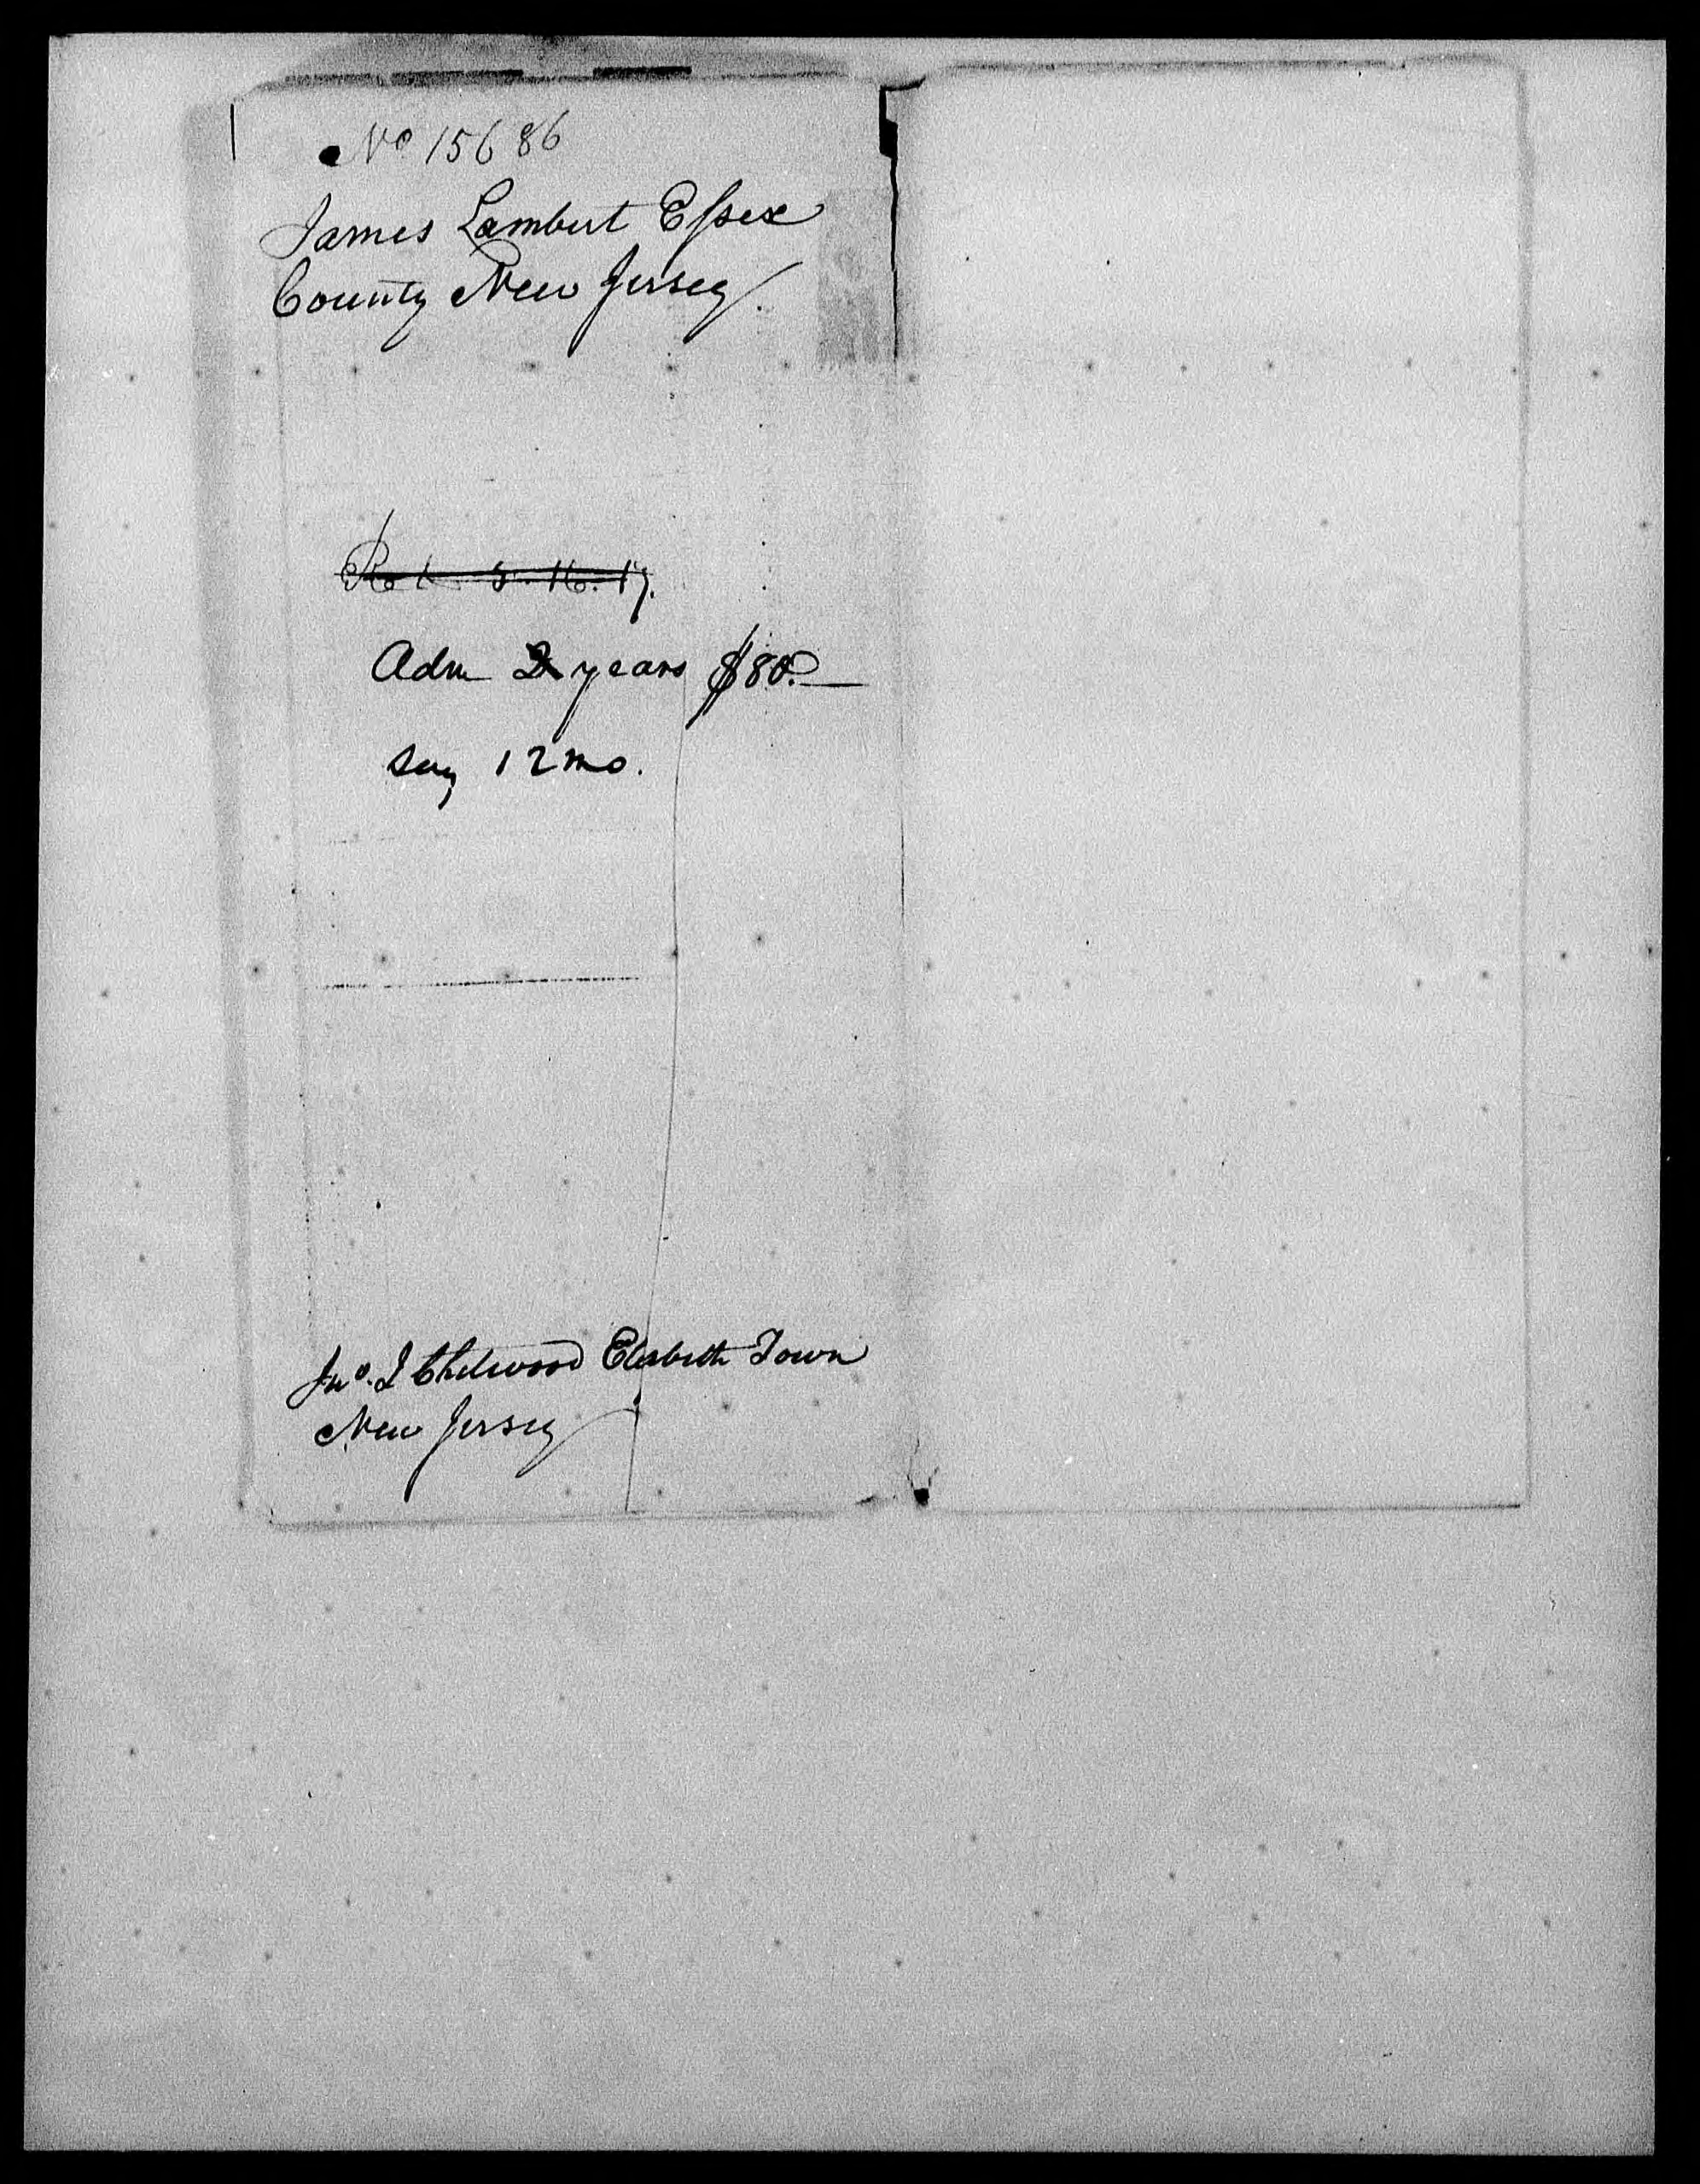No 15636

James Lambert Essex County New Jersey
Adm 2 years $80
serv 12 mo.
Jno I Chetwood  Elisbeth Town New Jersey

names: Jno J Chetwood; James Lambert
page: 4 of 49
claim: widow's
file: W. 859, for James Lambert, New Jersey